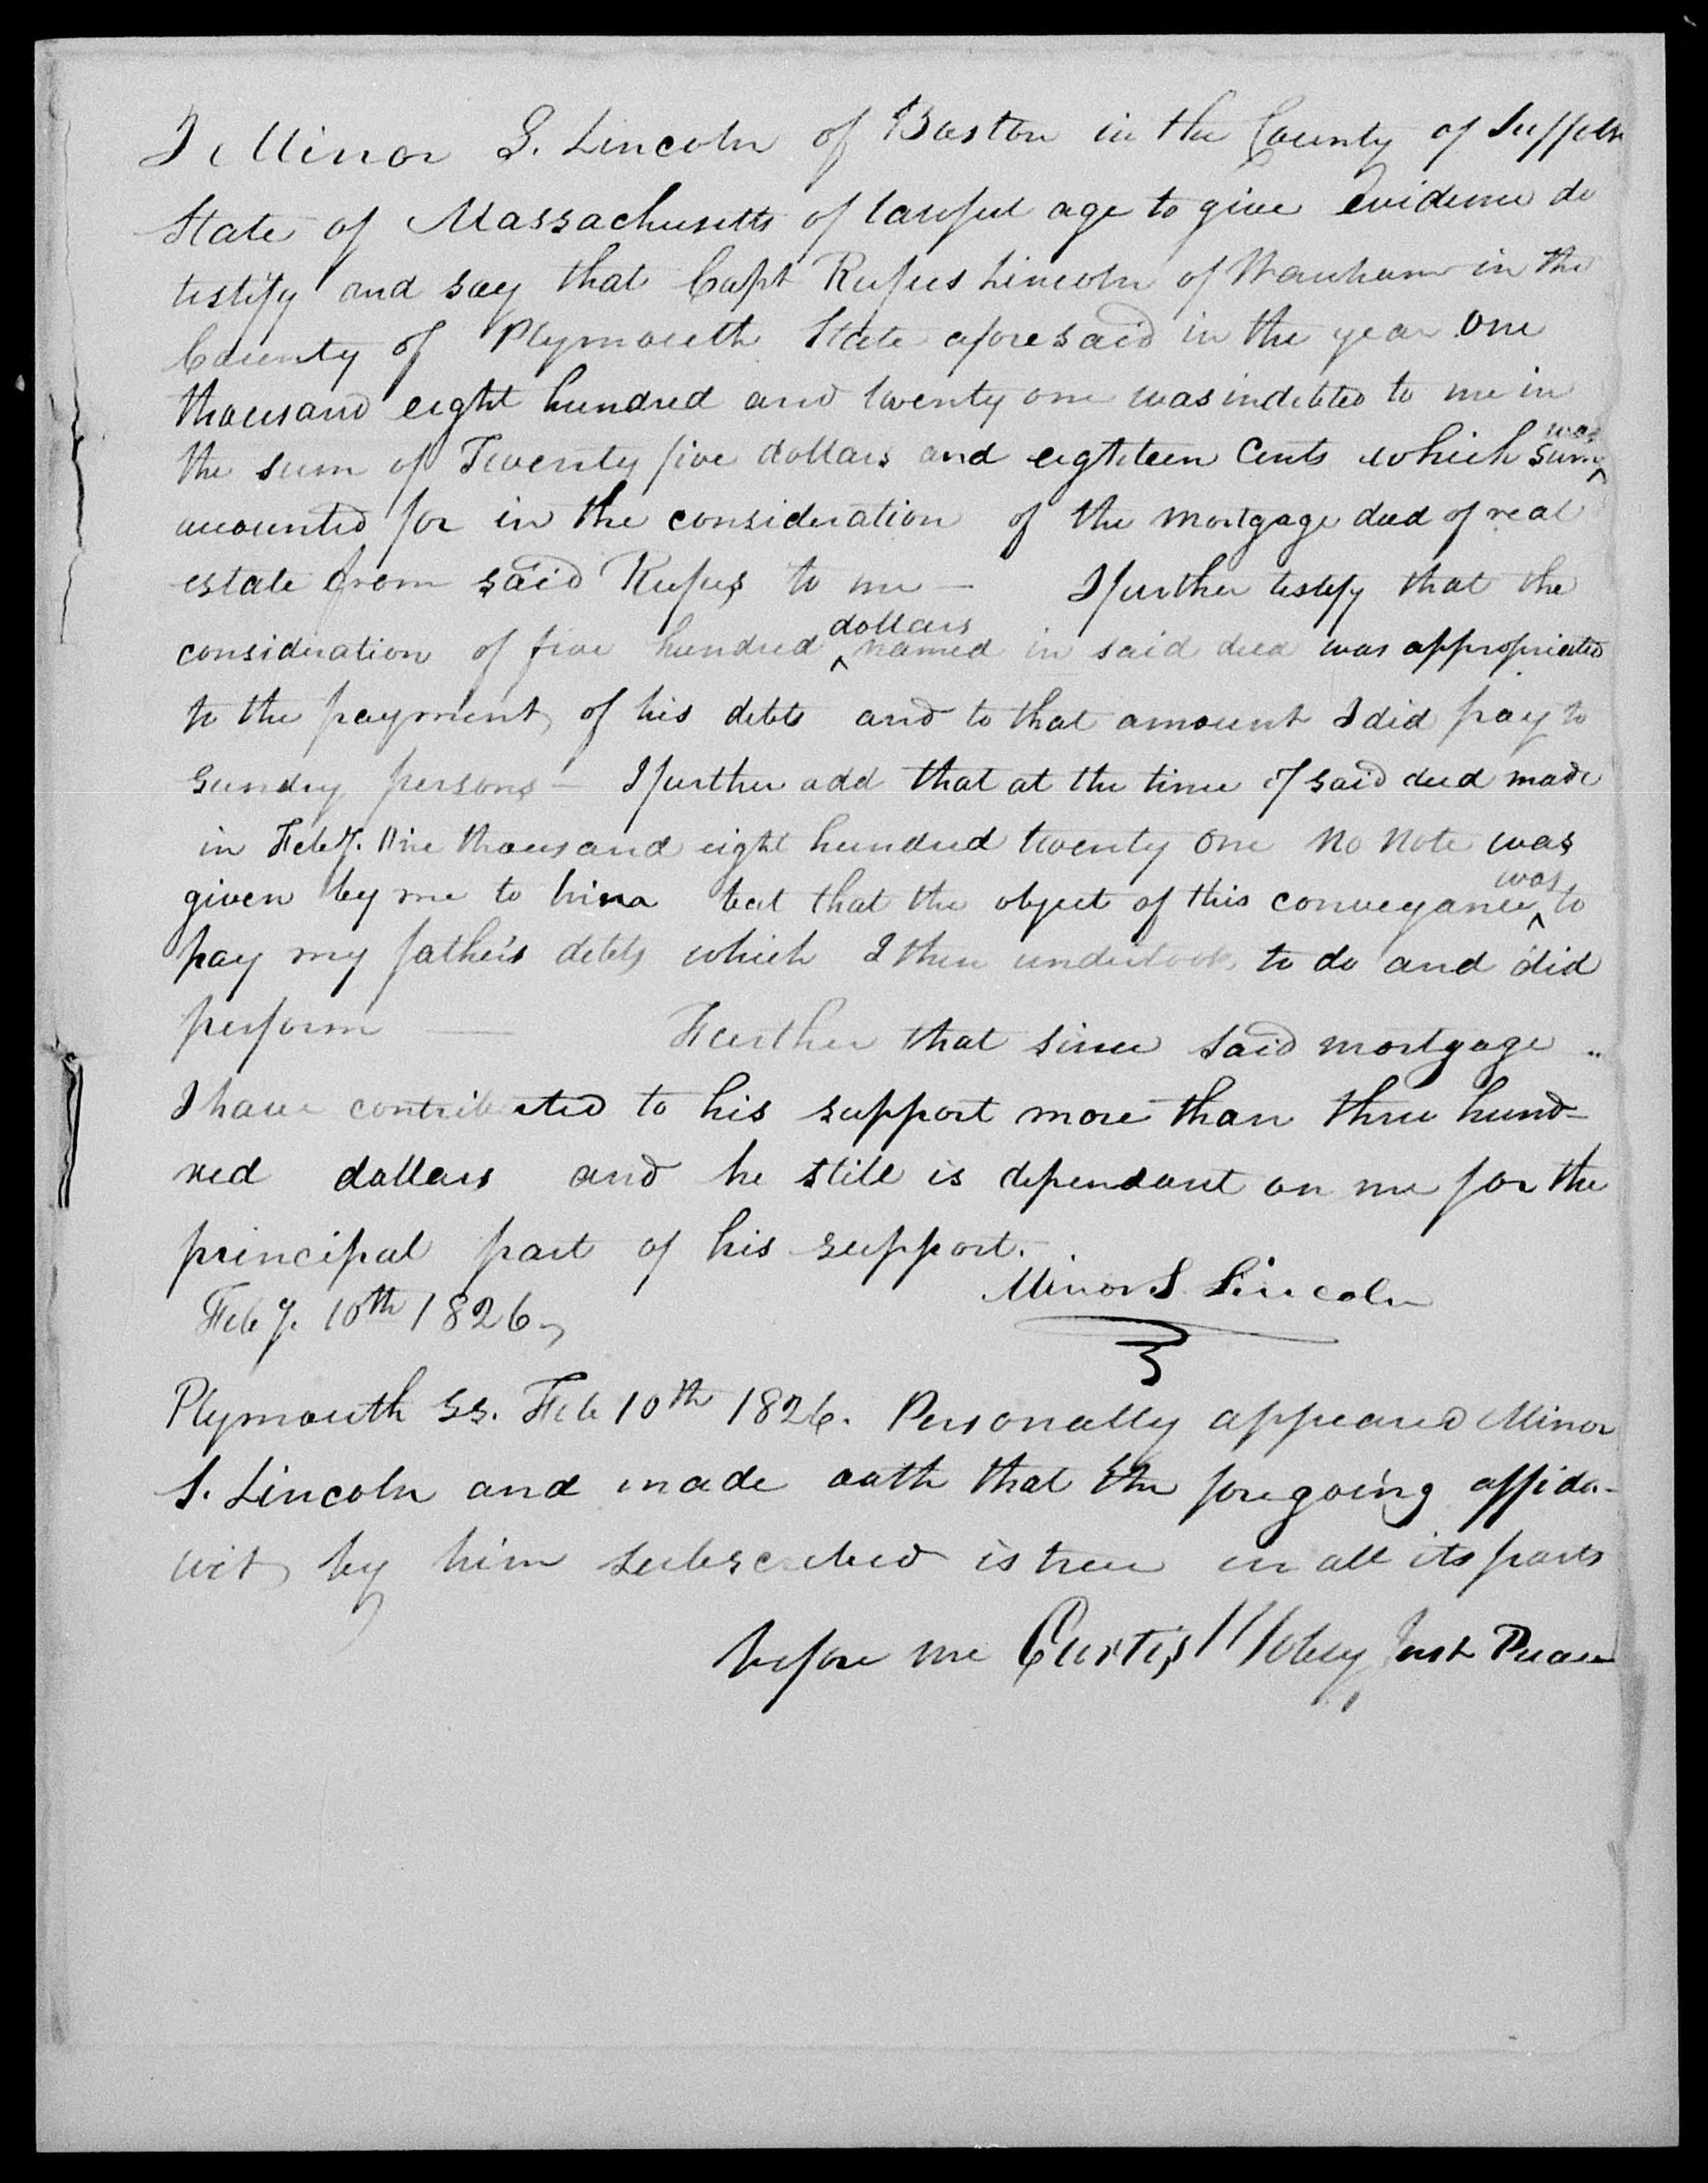I Minor S. Lincoln of Boston in the County of Suffolk State of Massachusetts of lawful age to give evidence do testify and say that Capt Rufus Lincoln of Wareham in the County of Plymouth State aforesaid in the year one
thousand eight hundred and twenty one was indebted to me in the sum of Twenty five dollars and eighteen cents which sum was
accounted for in the consideration of the Mortgage deed of real estate from said Rufus to me-  I further testify that the consideration of five hundred dollars named in said deed was appropriated to the payment of his debts and to that amount I did pay to Sundry persons-- I further add that at the time of said deed made in Feb. One thousand eight hundred twenty one no note was given by me to him but that the object of this conveyance was to pay my father's debts which I then undertook, to do and did perform _____
Further that since said mortgage I have contributed to his support more than three hundred dollars and he still is dependent on me for the principal part of his support.
Feby 10th 1826.
Minor S. Lincoln
Plymouth ss. Feb 10th 1826 Personally appeared Minor S. Lincoln and made oath that the foregoing affidavit by him subscribed is true in all its parts-
before me  Curtis Tobey  Just Peace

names: Curtis Tobey; Rufus Lincoln; Minor S Lincoln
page: 28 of 82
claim: widow's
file: W. 13,634, for Rufus Lincoln, Massachusetts